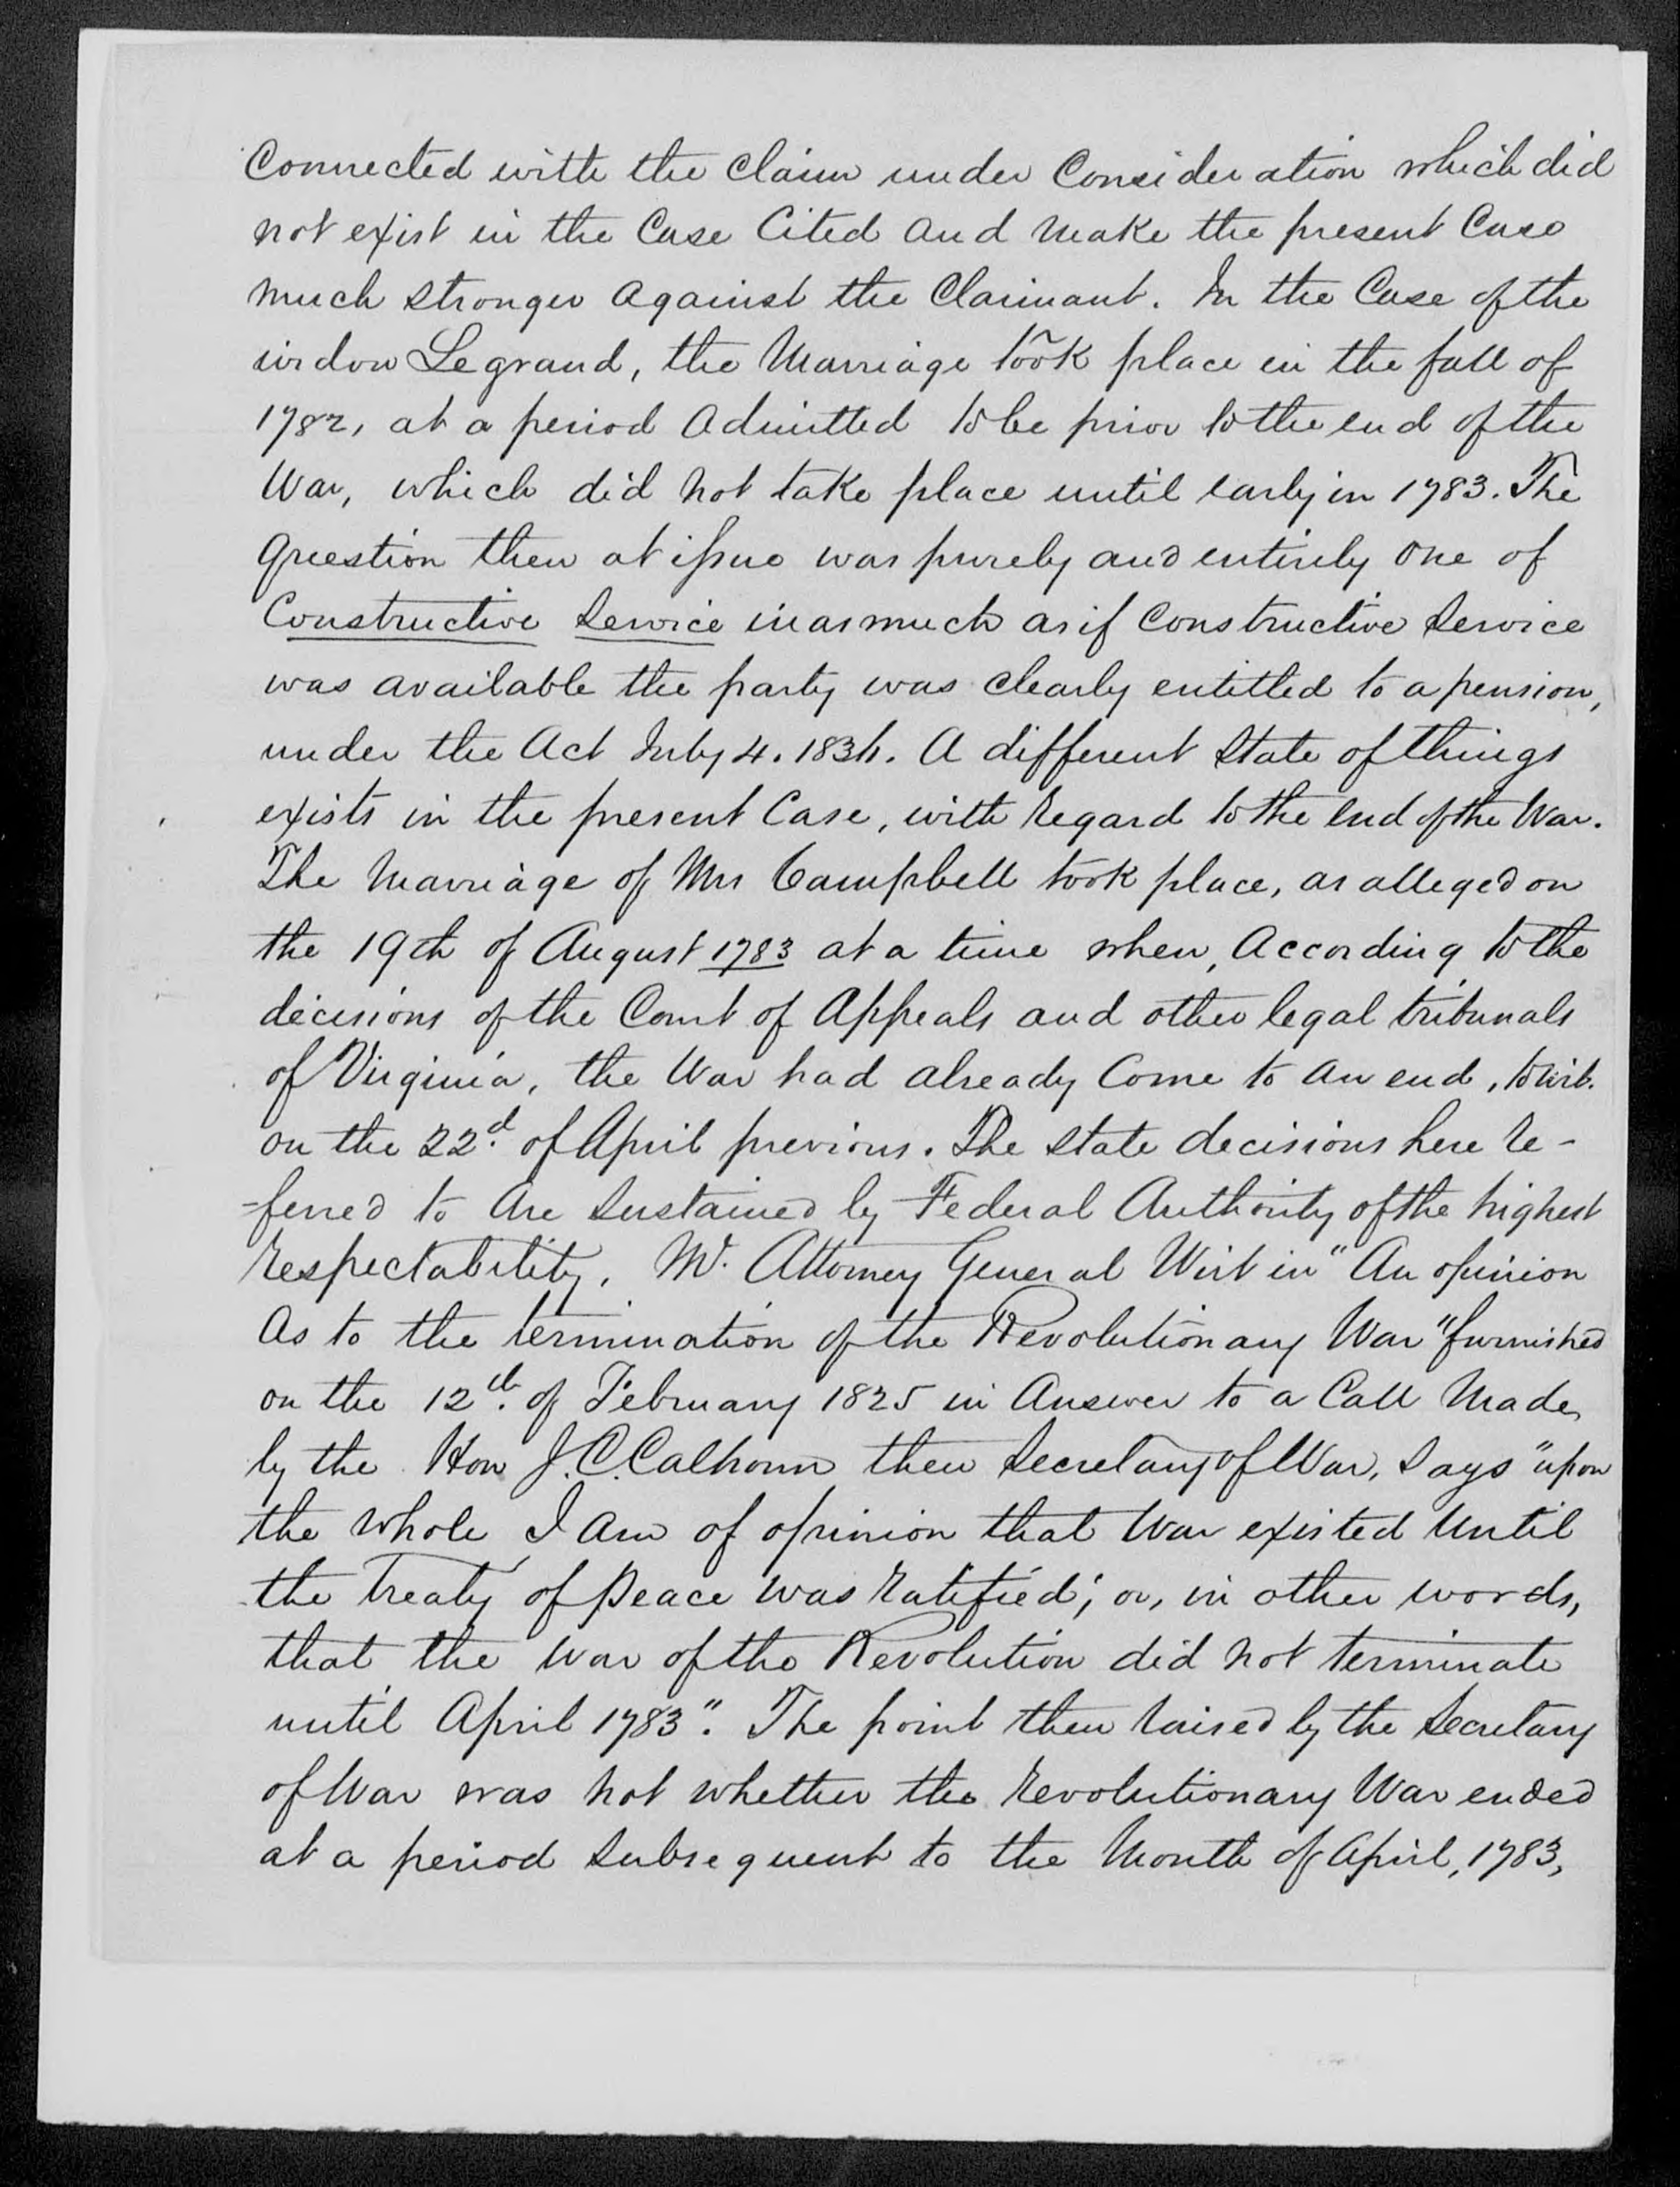Connected with the claim under Consideration which did not exist in the Case Cited and make the present Case much stronger Against the Claimant. In the Case of the widow Legrand, the Marriage took place in the fall of 1782, at a period Admitted to be prior to the end of the War, which did not take place until early in 1783. The question then at issue was purely and entirely one of Constructive Service inasmuch as if Constructive Service was available the party was clearly entitled to a pension, under the Act July 4, 1836. A different State of things exists in the present Case, with regard to the end of the War. The Marriage of Mrs Campbell took place, as alleged on the 19th of August 1783 at a time when, According to the decisions of the Court of Appeals and other legal tribunals of Virginia, the War had already Come to an end, to wit. on the 22d. of April previous. The state decisions here referred to Are Sustained by Federal Authority of the highest respectability. Mr. Attorney General Writ in "An opinion as to the termination of the Revolutionary War "furnished on the 12th. of February 1825 in Answer to a Call Made, by the Hon J. C. Calhoun then Secretary of War, says "upon the whole I am of opinion that War existed until the treaty of Peace was ratified; or, in other words, that the War of the Revolution did not terminate until April 1783." The point then raised by the Secretary of War was not whether the Revolutionary War ended at a period subsequent to the Month of April, 1783,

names: J C Calhoun, Campbell, Legrand, Wirt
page: 165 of 267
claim: widow's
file: W. 4,149, William Campbell, Va.